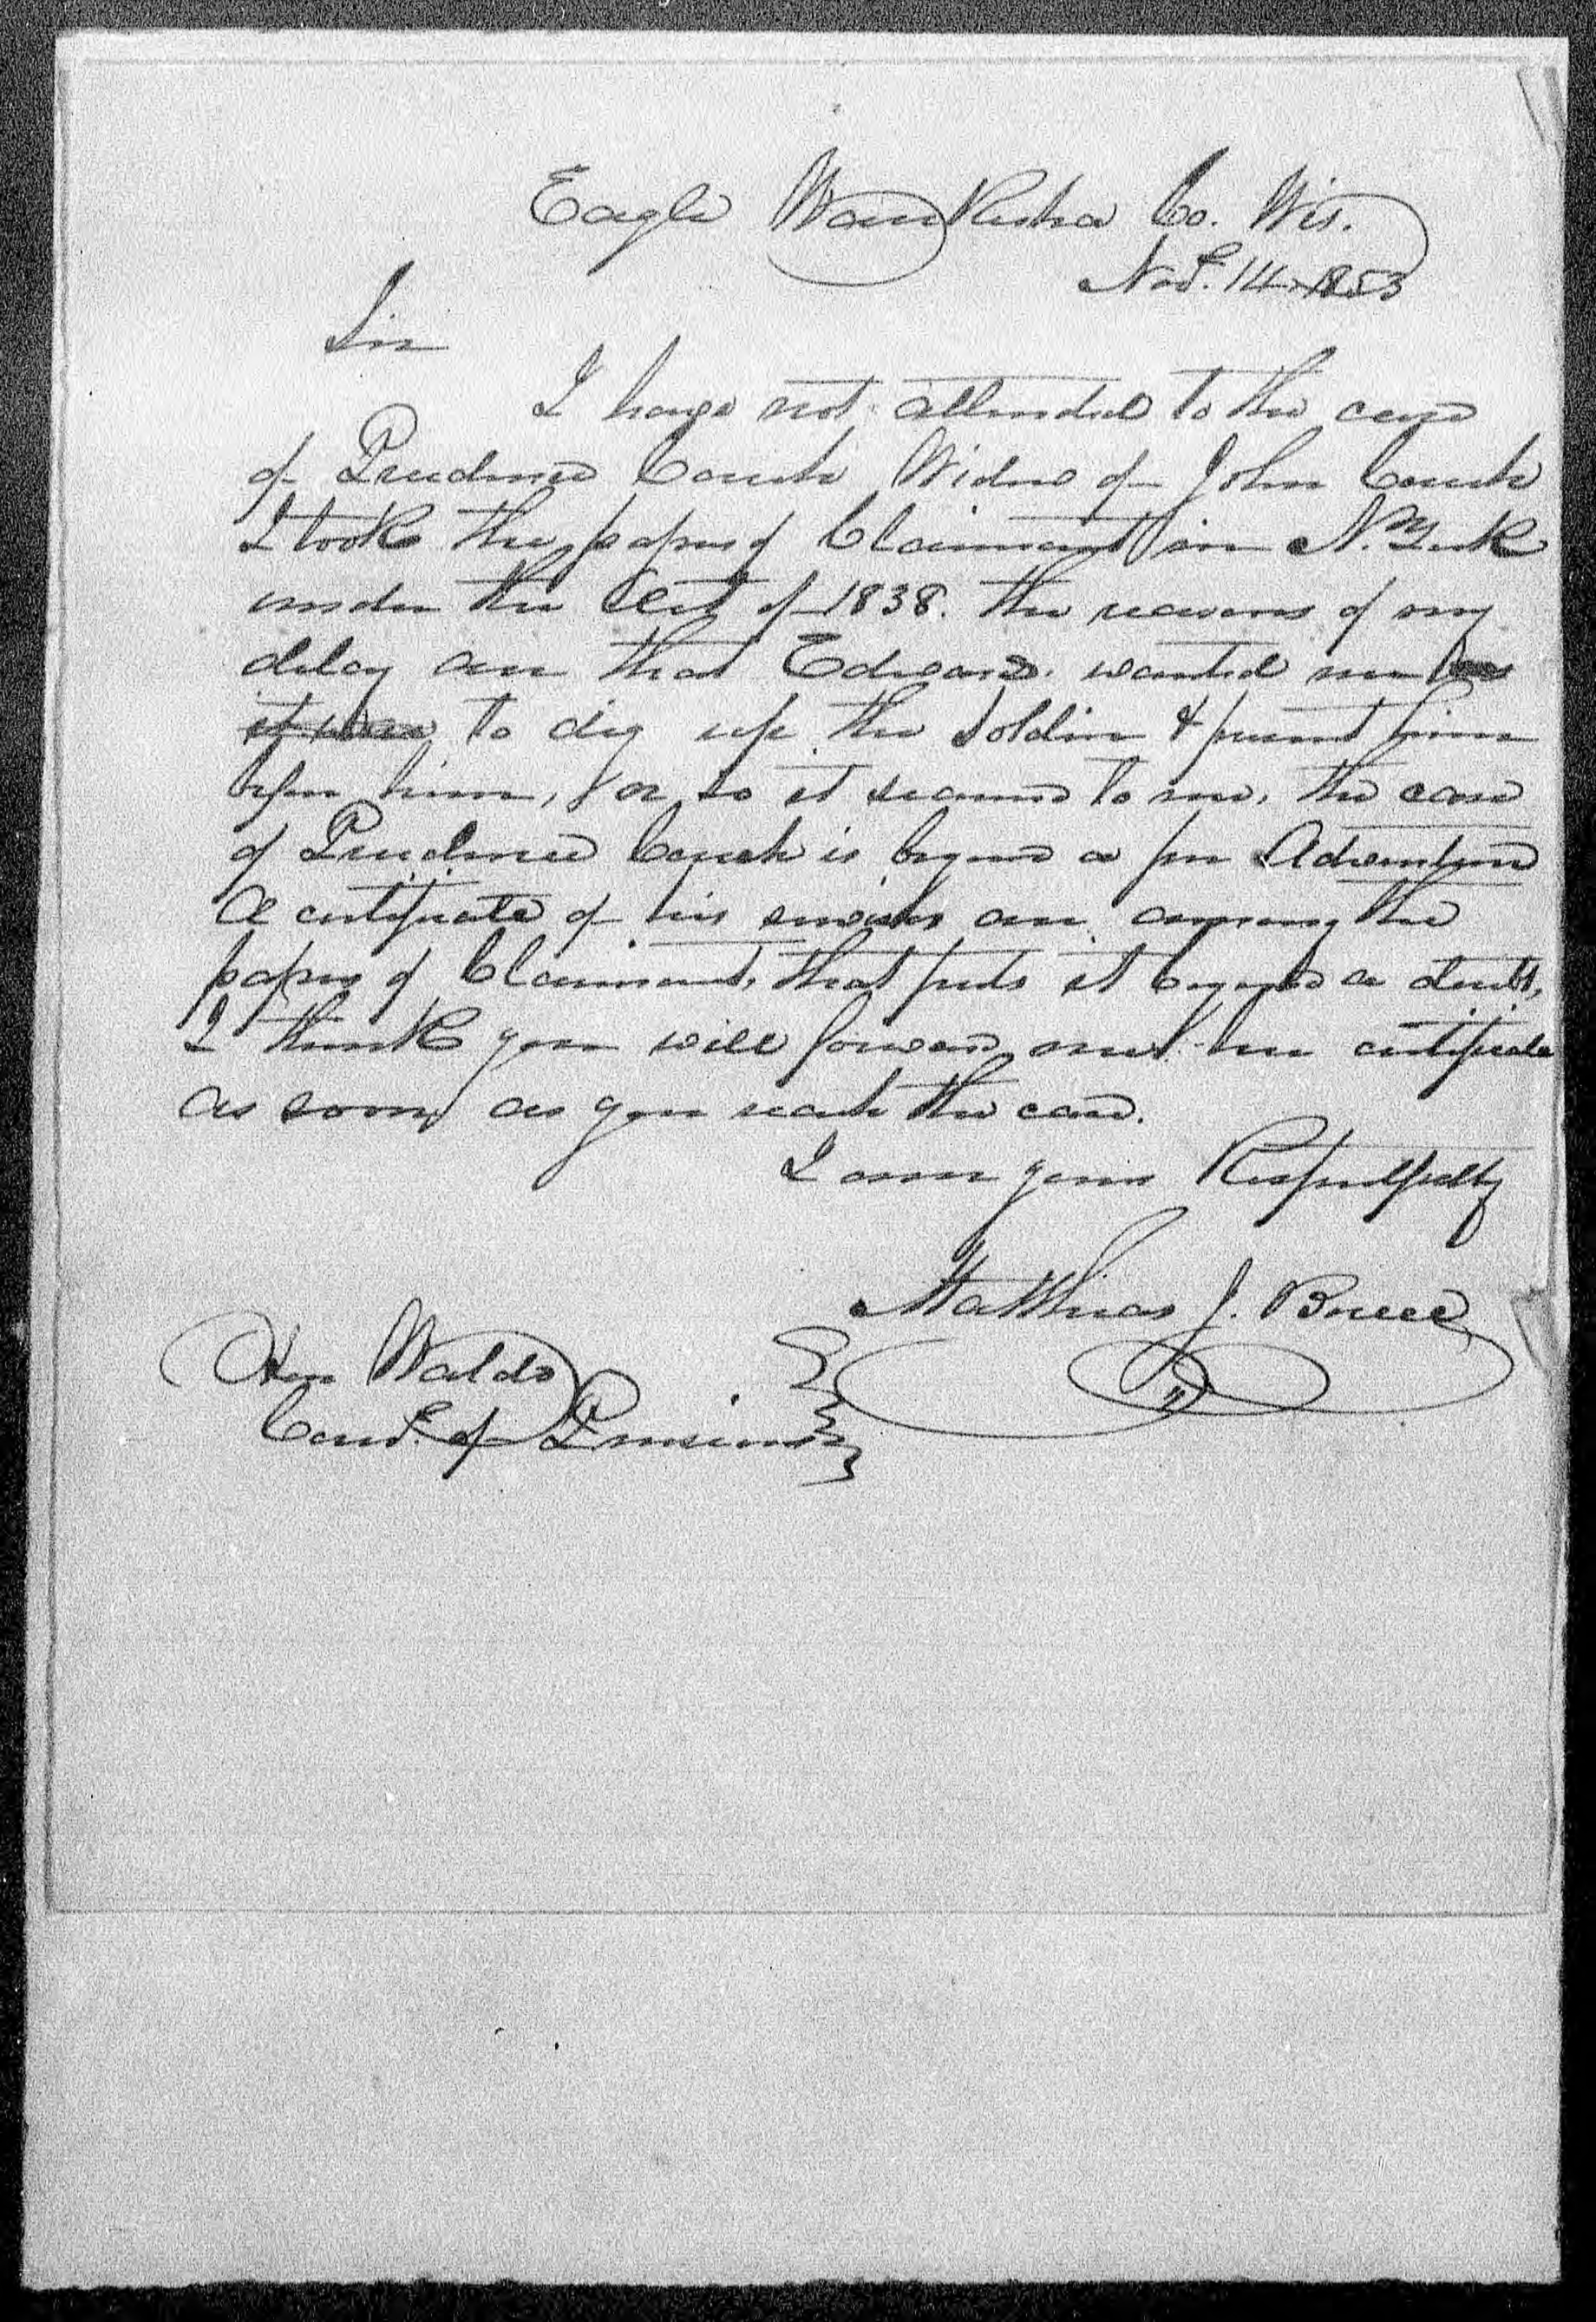Eagle Waukesha Co. Wis.
Nov 15, 1853

Sir
I have not attended to the case of Prudence Couch widow of John Couch. I took the papers of Claimant in N. York under the Act of 1838. The reasons of my delay are that Edwards wanted me to dig up this soldier * present him before him, for so it seemed to me, the case of Prudence Couch is beyond as per Advection a certificate of his services and comparing the papers of Claimant, that puts it beyond a doubt, I think you will join and issue her certificate as soon as you seen this case.
I am yours Respectfully
Matthias J Bovee

hon. Waldo
Comr of Pensions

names: Edward, Waldo, Prudence Couch, John Couch, Prudence Couch, Matthias J Bovee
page: 58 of 68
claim: rejected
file: R. 2,360, John Couch, Conn.